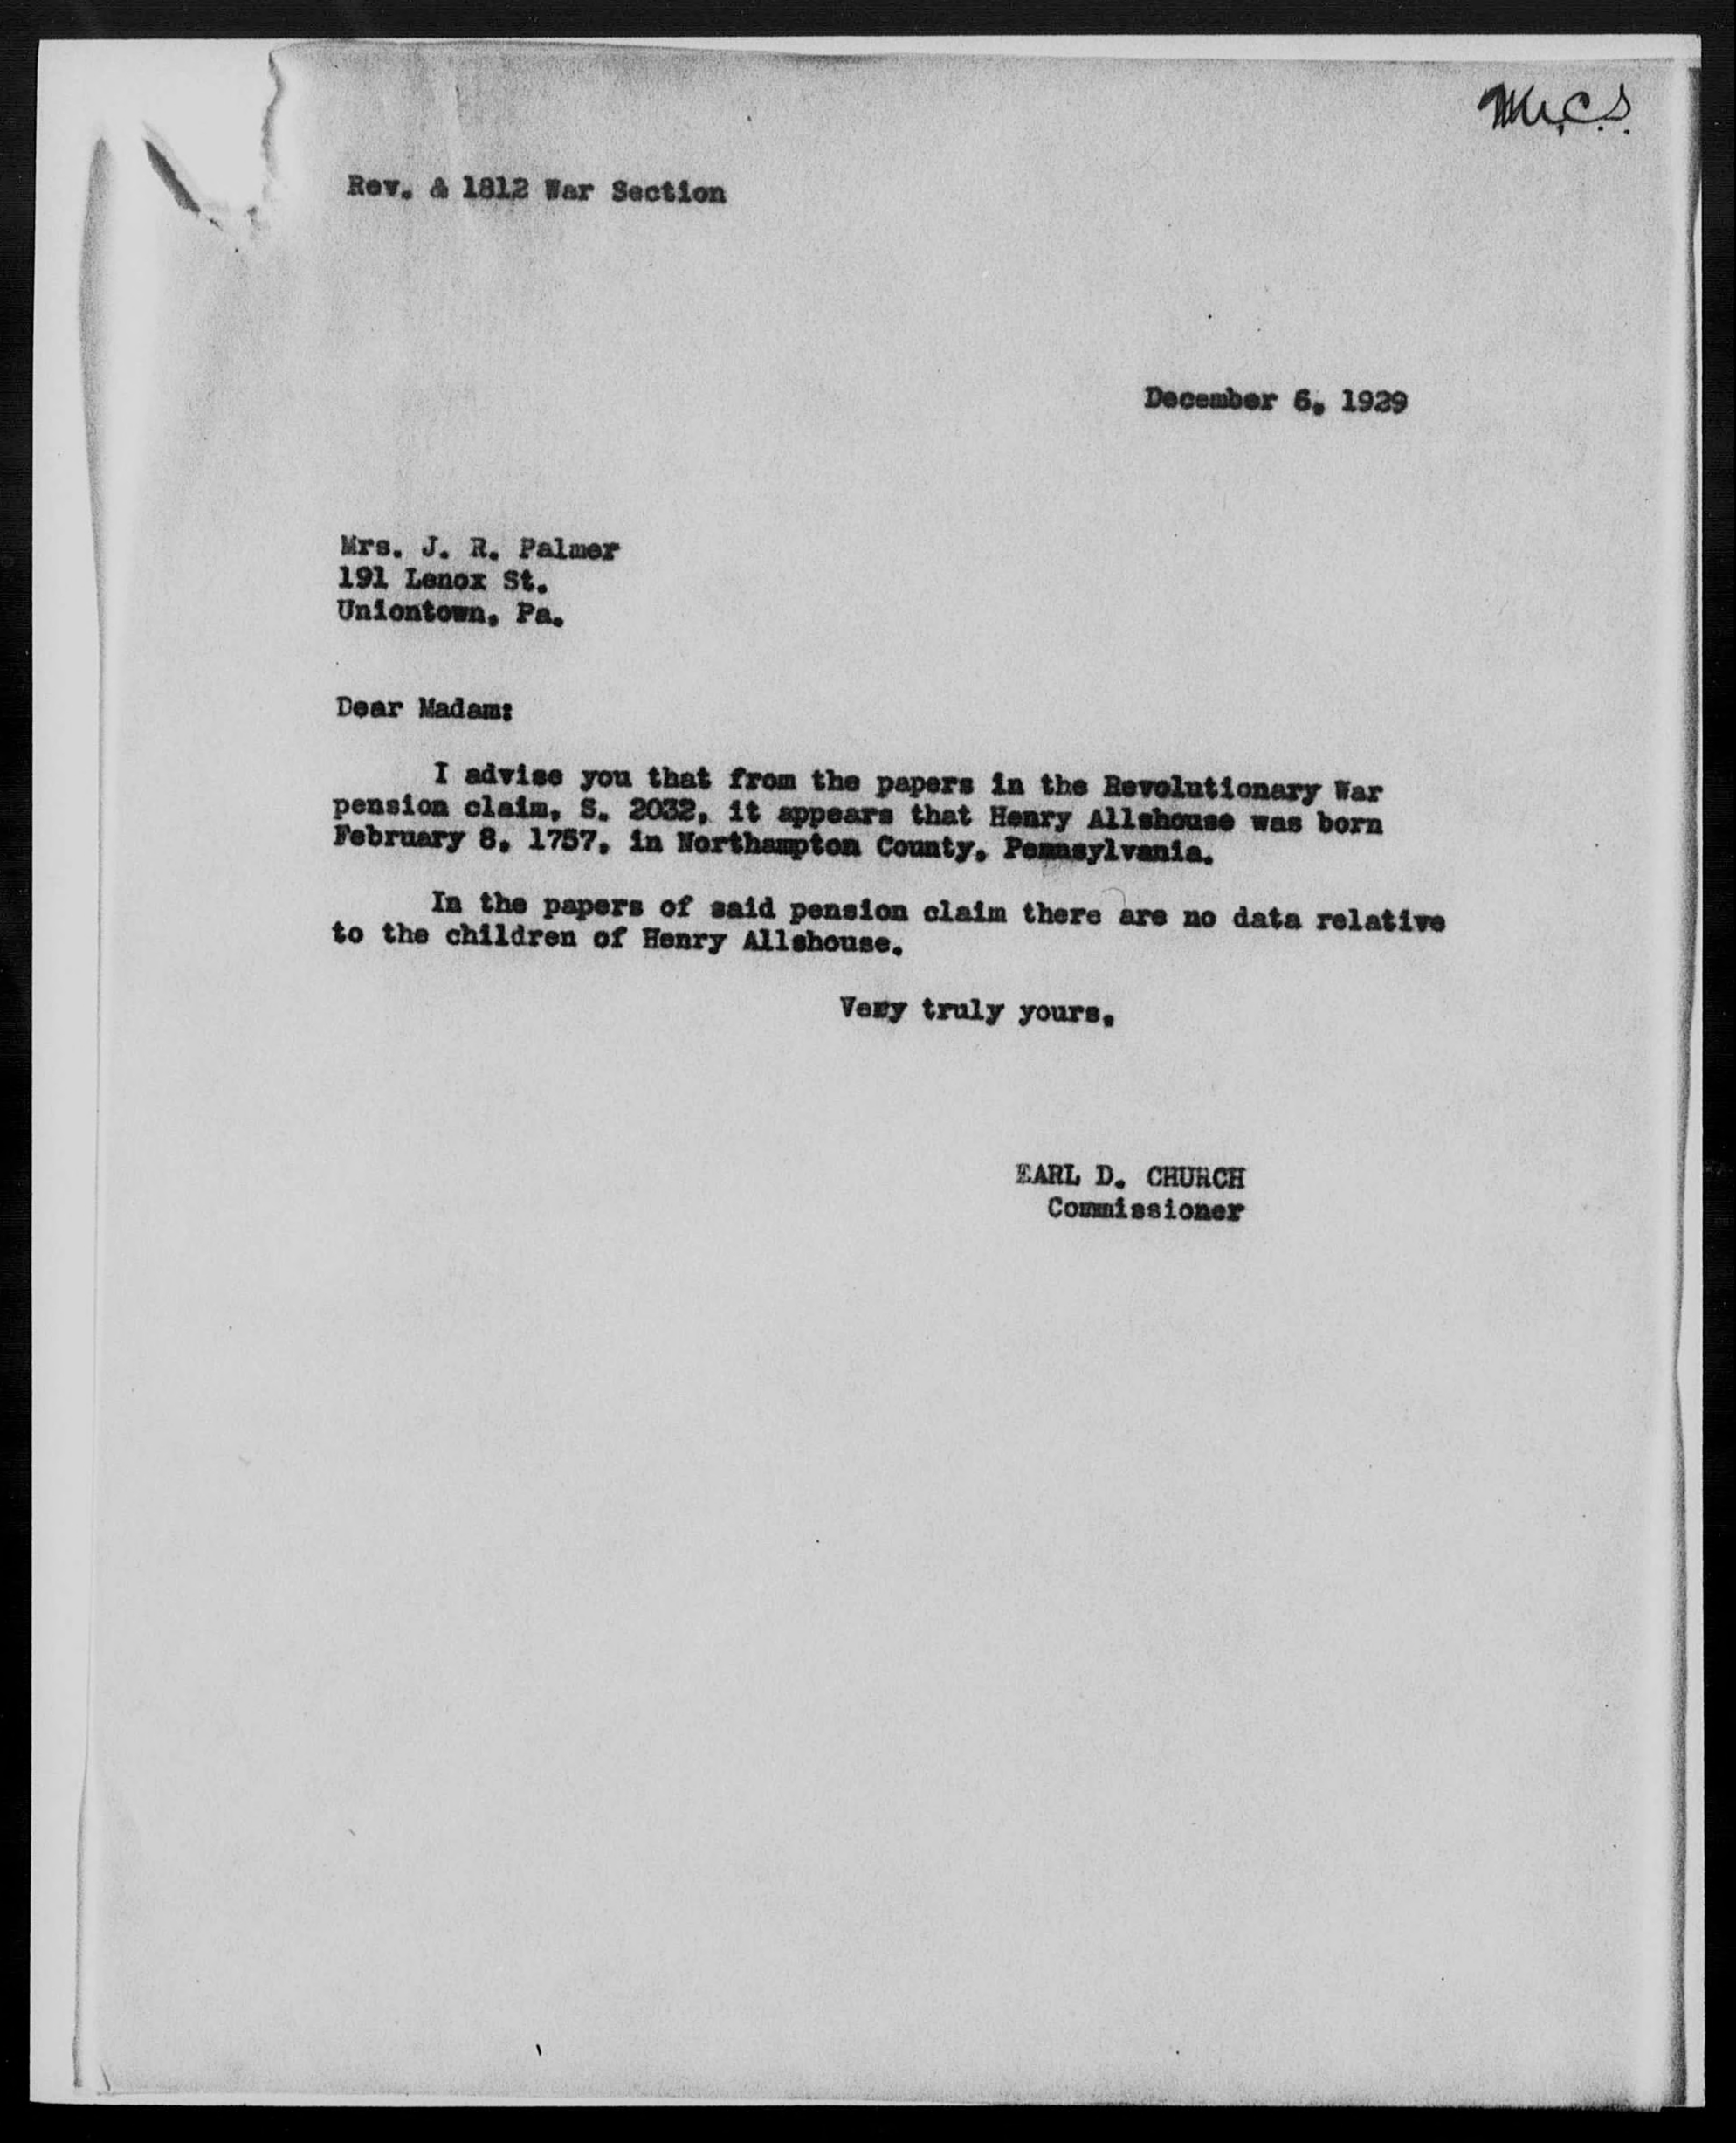Mrs. J. R. Palmer
191 Lenox St.
Uniontown, Pa.

Dear Madam:

I advise you that from the papers in the Revolutionary War pension claim, S. 2032, it appears that Henry Allshouse was born February 8, 1757, in Northampton County, Pennsylvania.

In the papers of said pension claim there are no data relative to the children of Henry Allshouse.

Very truly yours,
EARL D. CHURCH
Commissioner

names: J R Palmer, Henry Allshouse, Henry Allshouse, Earl D Church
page: 24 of 24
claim: survivor's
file: S. 2032, Henry Allshouse, Penn.